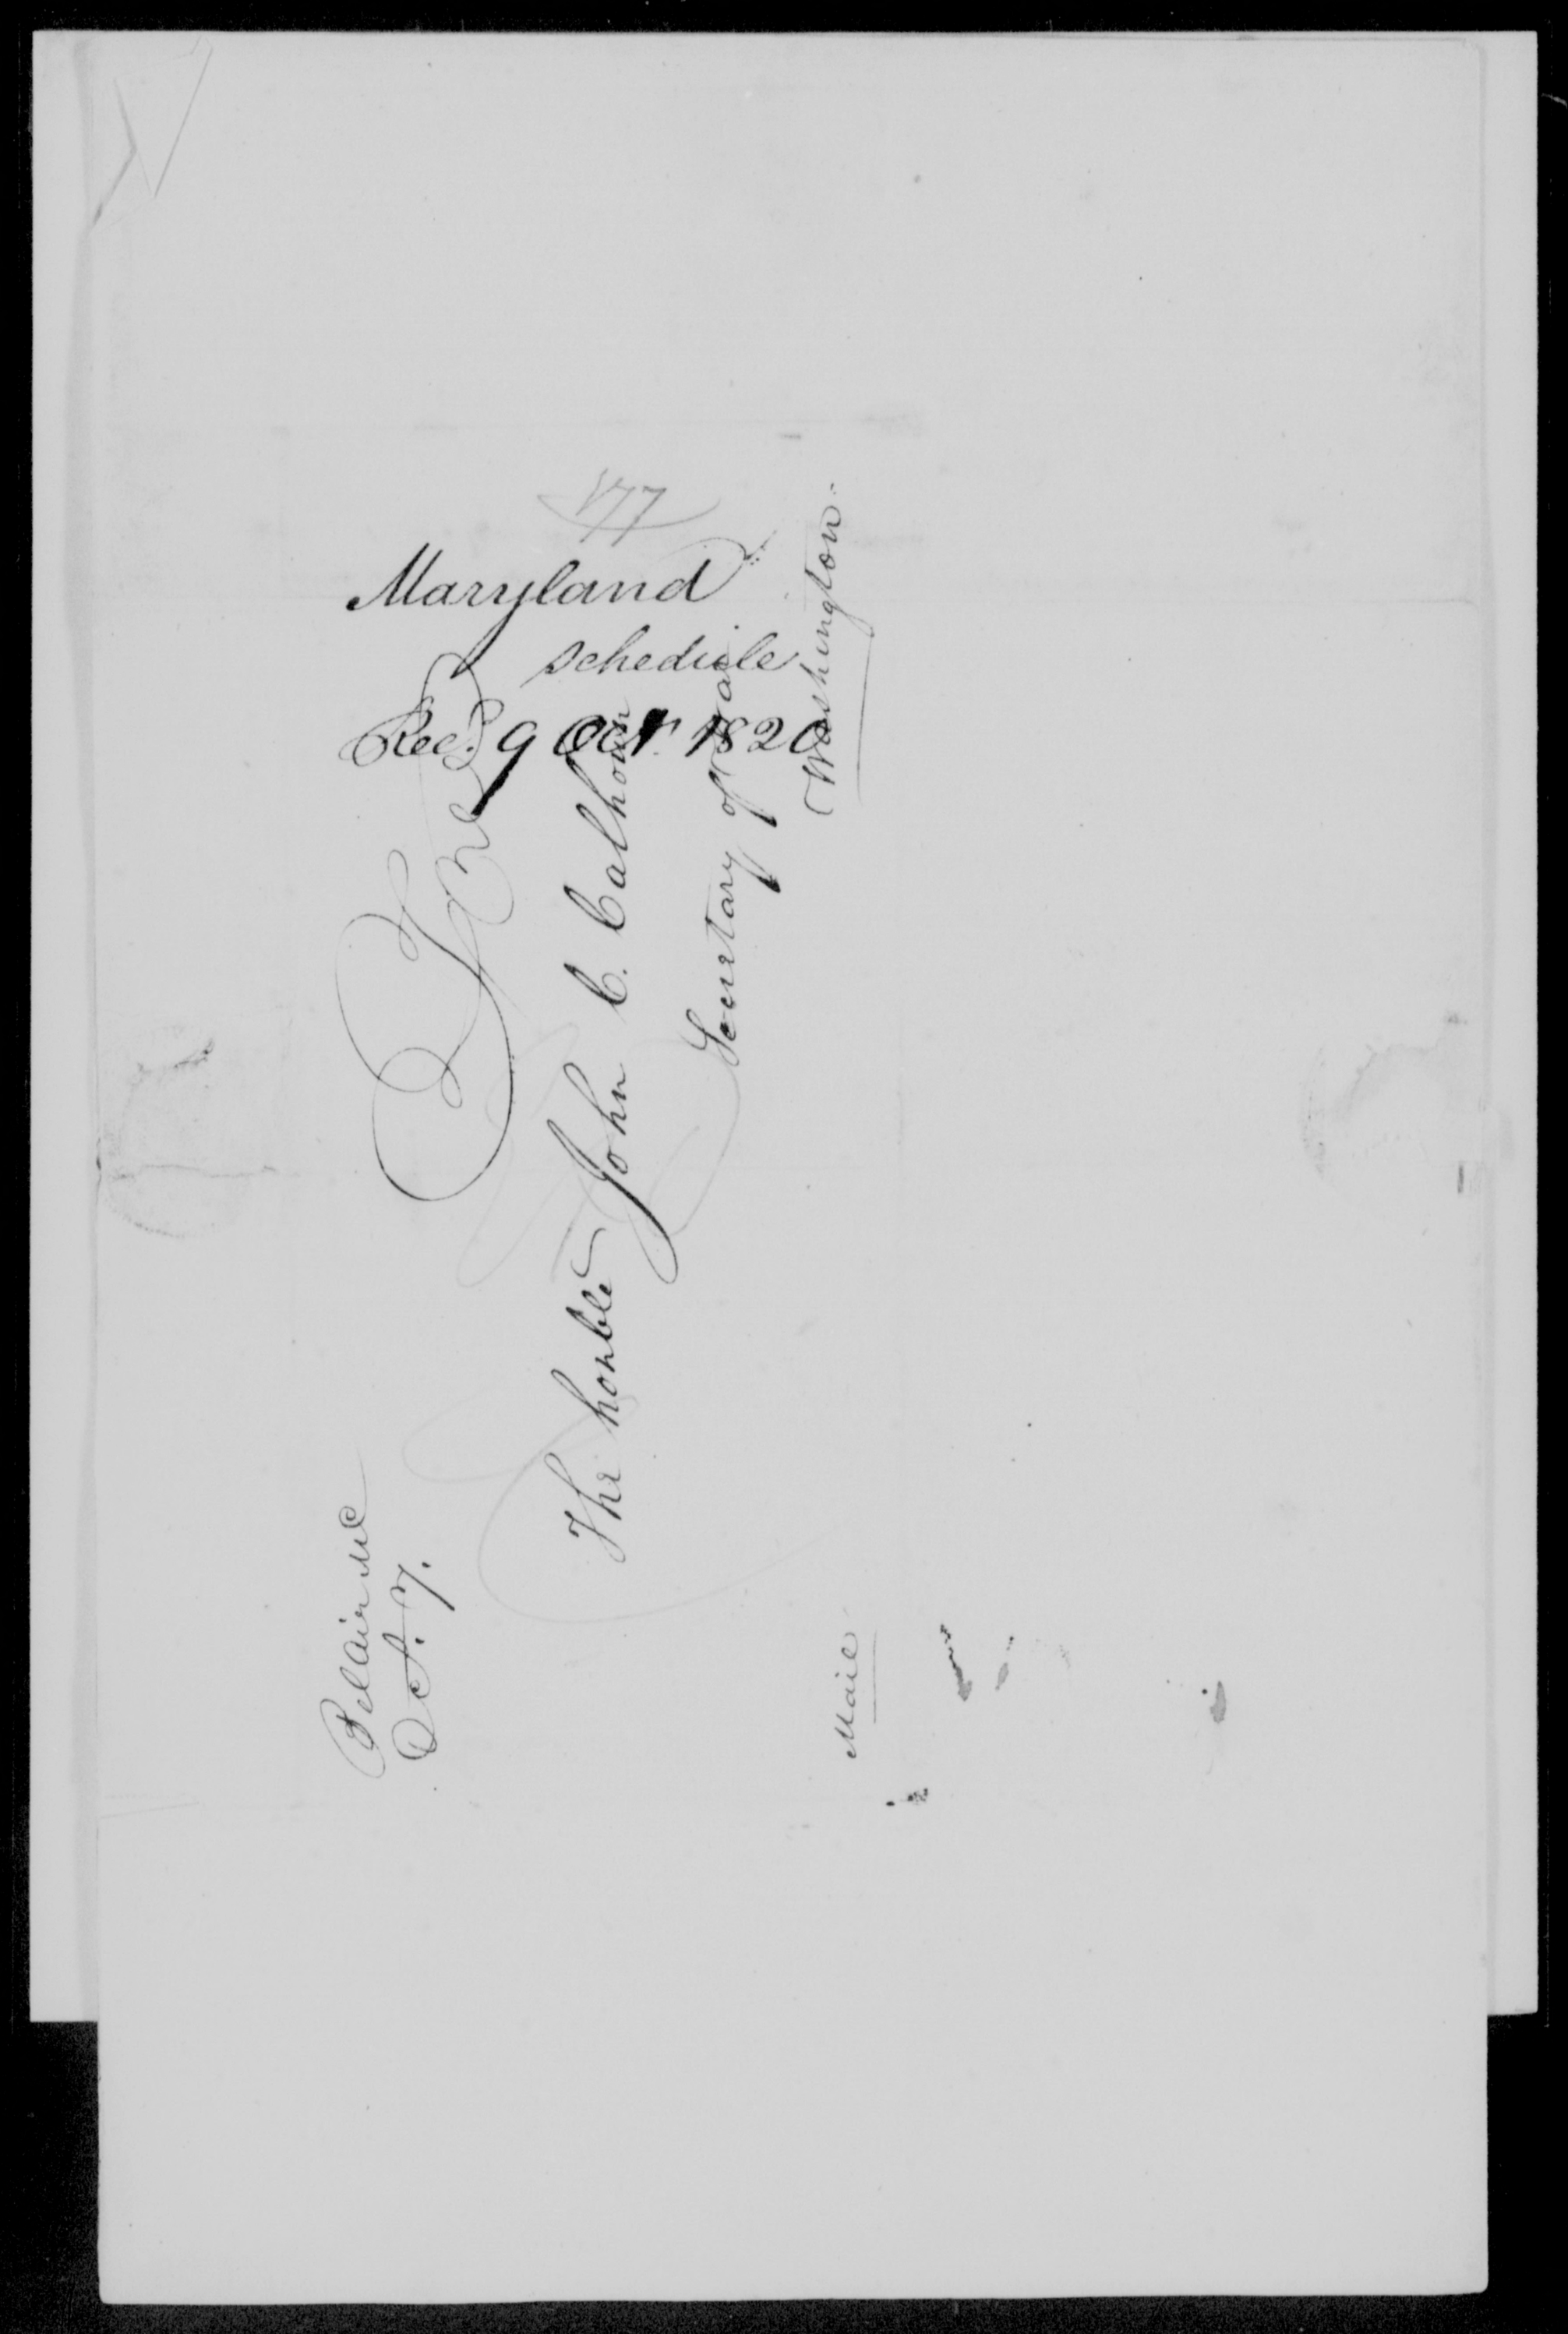177
Maryland
Schedule
Recd 9 Oct. 1820

Free 
The honble [honorable] John C. Calhoun
Secretary of war
Washington

Belair Md
Oct 7. 
Mail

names: John C Calhoun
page: 33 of 38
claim: widow's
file: W. 3899, John Wann, Penn.